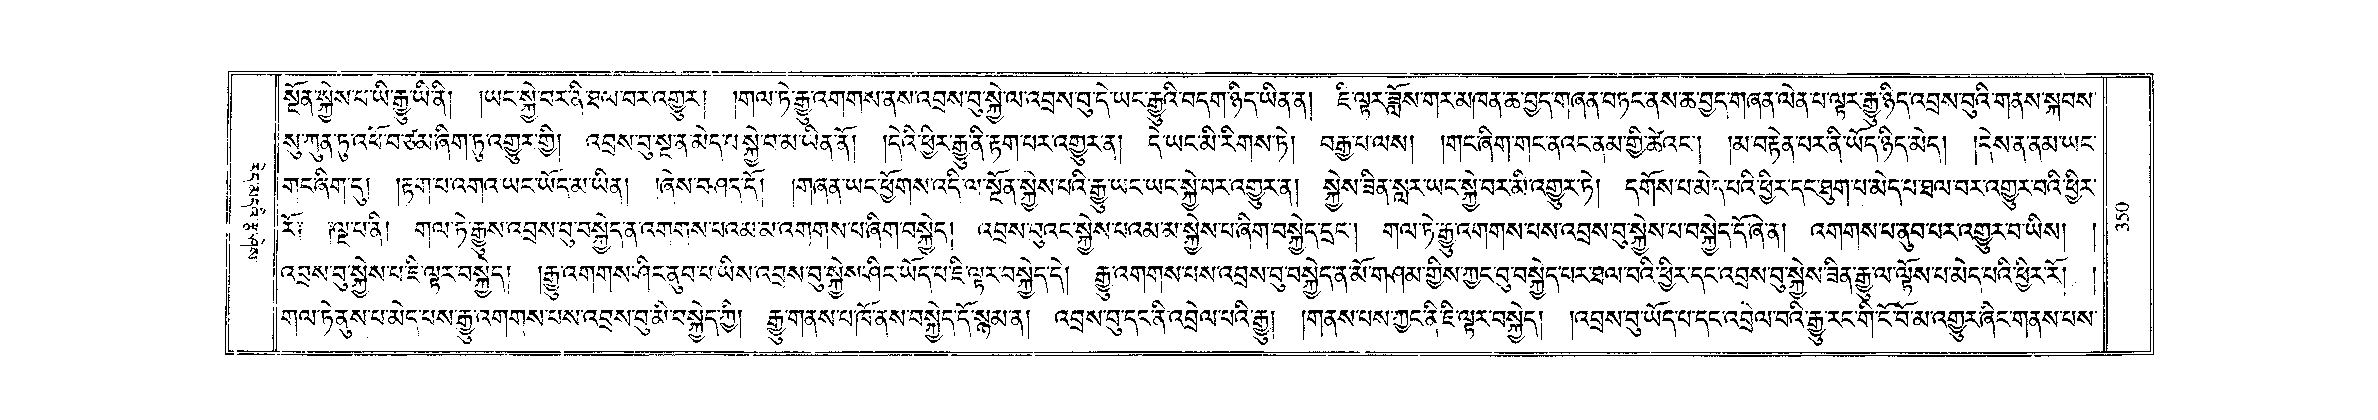སྔོན་སྐྱེས་པ་ཡི་རྒྱུ་ཡི་ནི། །ཡང་སྐྱེ་བར་ནི་ཐལ་བར་འགྱུར། །གལ་ཏེ་རྒྱུ་འགགས་ནས་འབྲས་བུ་སྐྱེ་ལ་འབྲས་བུ་དེ་ཡང་རྒྱུའི་བདག་ཉིད་ཡིན་ན། ཇི་ལྟར་ཟློས་གར་མཁན་ཆ་བྱད་གཞན་བཏང་ནས་ཆ་བྱད་གཞན་ལེན་པ་ལྟར་རྒྱུ་ཉིད་འབྲས་བུའི་གནས་སྐབས་
སུ་ཀུན་ཏུ་འཕོ་བ་ཙམ་ཞིག་ཏུ་འགྱུར་གྱི། འབྲས་བུ་སྔ་ན་མེད་པ་སྐྱེ་བ་མ་ཡིན་ནོ། །དེའི་ཕྱིར་རྒྱུ་ནི་རྟག་པར་འགྱུར་ན། དེ་ཡང་མི་རིགས་ཏེ། བརྒྱ་པ་ལས། །གང་ཞིག་གང་ནའང་ནམ་གྱི་ཚེའང་། །མ་བརྟེན་པར་ནི་ཡོད་ཉིད་མེད། །དེས་ན་ནམ་ཡང་
གང་ཞིག་དུ། །རྟག་པ་འགའ་ཡང་ཡོད་མ་ཡིན། །ཞེས་བཤད་དོ། །གཞན་ཡང་ཕྱོགས་འདི་ལ་སྔོན་སྐྱེས་པའི་རྒྱུ་ཡང་ཡང་སྐྱེ་བར་འགྱུར་ན། སྐྱེས་ཟིན་སླར་ཡང་སྐྱེ་བར་མི་འགྱུར་ཏེ། དགོས་པ་མེད་པའི་ཕྱིར་དང་ཐུག་པ་མེད་པ་ཐལ་བར་འགྱུར་བའི་ཕྱིར་
རོ༑ ༑ལྔ་པ་ནི། གལ་ཏེ་རྒྱུས་འབྲས་བུ་བསྐྱེད་ན་འགགས་པའམ་མ་འགགས་པ་ཞིག་བསྐྱེད། འབྲས་བུའང་སྐྱེས་པའམ་མ་སྐྱེས་པ་ཞིག་བསྐྱེད་དྲང་། གལ་ཏེ་རྒྱུ་འགགས་པས་འབྲས་བུ་སྐྱེས་པ་བསྐྱེད་དོ་ཞེ་ན། འགགས་པ་ནུབ་པར་འགྱུར་བ་ཡིས། །
འབྲས་བུ་སྐྱེས་པ་ཇི་ལྟར་བསྐྱེད། །རྒྱུ་འགགས་ཤིང་ནུབ་པ་ཡིས་འབྲས་བུ་སྐྱེས་ཤིང་ཡོད་པ་ཇི་ལྟར་བསྐྱེད་དེ། རྒྱུ་འགགས་པས་འབྲས་བུ་བསྐྱེད་ན་མོ་གཤམ་གྱིས་ཀྱང་བུ་བསྐྱེད་པར་ཐལ་བའི་ཕྱིར་དང་འབྲས་བུ་སྐྱེས་ཟིན་རྒྱུ་ལ་ལྟོས་པ་མེད་པའི་ཕྱིར་རོ། །
གལ་ཏེ་ནུས་པ་མེད་པས་རྒྱུ་འགགས་པས་འབྲས་བུ་མི་བསྐྱེད་ཀྱི། རྒྱུ་གནས་པ་ཁོ་ནས་བསྐྱེད་དོ་སྙམ་ན། འབྲས་བུ་དང་ནི་འབྲེལ་པའི་རྒྱུ། །གནས་པས་ཀྱང་ནི་ཇི་ལྟར་བསྐྱེད། །འབྲས་བུ་ཡོད་པ་དང་འབྲེལ་བའི་རྒྱུ་རང་གི་ངོ་བོ་མ་འགྱུར་ཞིང་གནས་པས་